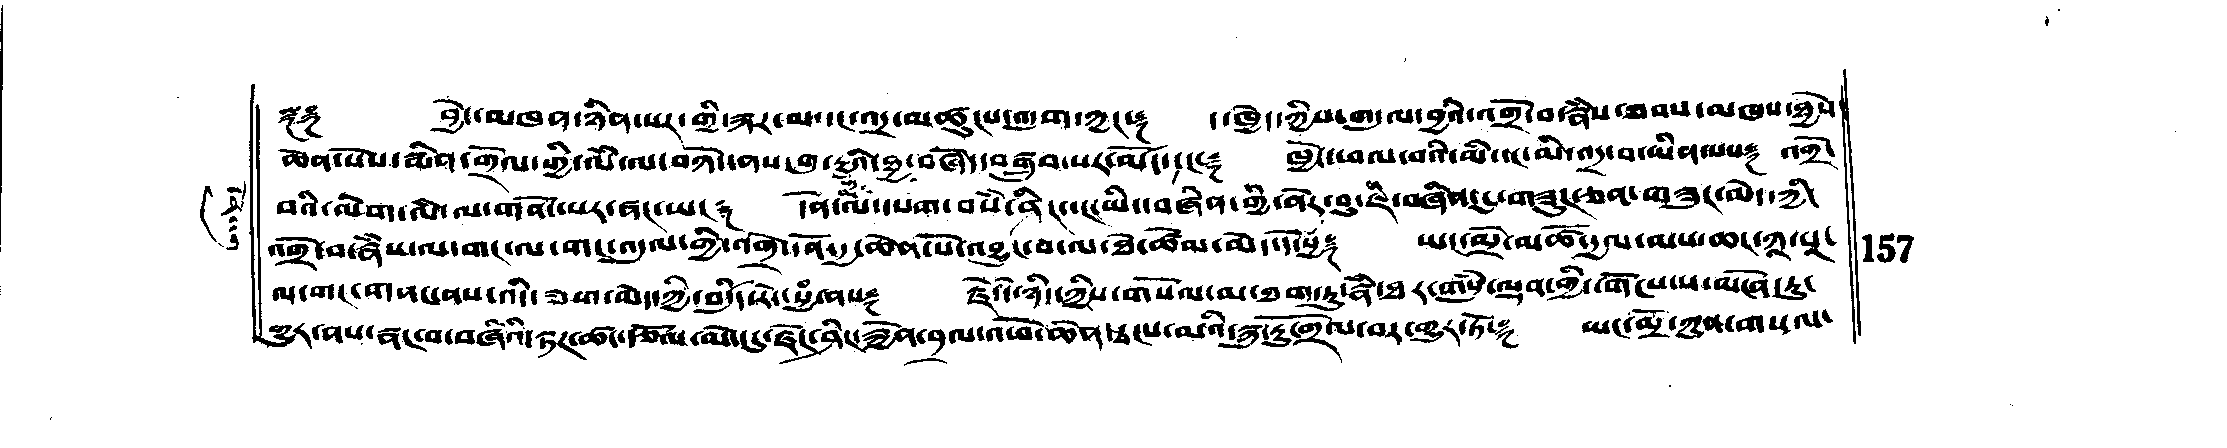བྱེད་མཁན་ཉིན་པར་གྱི་སྐར་མ་དང་འདྲ་མཚུངས་འདུག་ཀྱང་། ད་ཁྱོད་ཀྱིས་གདུལ་བྱའི་འགྲོ་བ་རྣམས་ཐབས་མཁས་ཐུགས་རྗེ་
ཆེན་པོས་སྨིན་གྲོལ་གྱི་ལམ་ལ་བཀོད་ནས་གུ་རུ་པདྨའི་ཐུགས་བཞེད་བསྒྲུབ་པར་མཛོད་དང་། ཁྱོད་ཕལ་བའི་མི་དང་མི་འདྲ་བ་ཡིན་པས། འགྲོ་
བའི་ལོག་ལམ་ལ་གནོད་པར་སྣང་ཡང་། དོན་ལ་དཔག་བསམ་ཤིང་དང་ཡིད་བཞིན་གྱི་ནོར་བུ་ཇི་བཞིན་དུ་གཟུགས་ཅན་གཟུགས་མེད་ཀྱི་
འགྲོ་བ་རྣམས་ལ་གང་ལ་གང་འདུལ་གྱི་འགྲོ་དོན་རྒྱ་ཆེན་པོ་འབྱུང་བ་ལ་ཐེ་ཚོམ་མེད་དོ་གསུངས། ཡང་མཁའ་འགྲོ་མཚོ་རྒྱལ་མས་ཆང་ཀཱ་པཱ་
ལ་གང་གནང་ནས་འདི་ཟག་མེད་ཀྱི་བདུད་རྩི་རེད་གསུང་ནས།རྗེ་དེ་ཉིད་ཀྱིས་གསོལ་མ་ཐག་ཏུ་རྣམ་ཐར་གསུམ་ལྡན་གྱི་དགོངས་པ་མངོན་དུ་
གྱུར་ནས་སྣང་བ་བཞིའི་རྟགས་ཚད་རྩོལ་མེད་དུ་རྫོགས་ཤིང་སྐྱོན་བྲལ་འཕོ་ཆེན་དྭངས་མའི་སྐུ་རུ་གྲོལ་བར་གྱུར་ཏོ། ཡང་མཁའ་འགྲོ་ཀུན་གསལ་